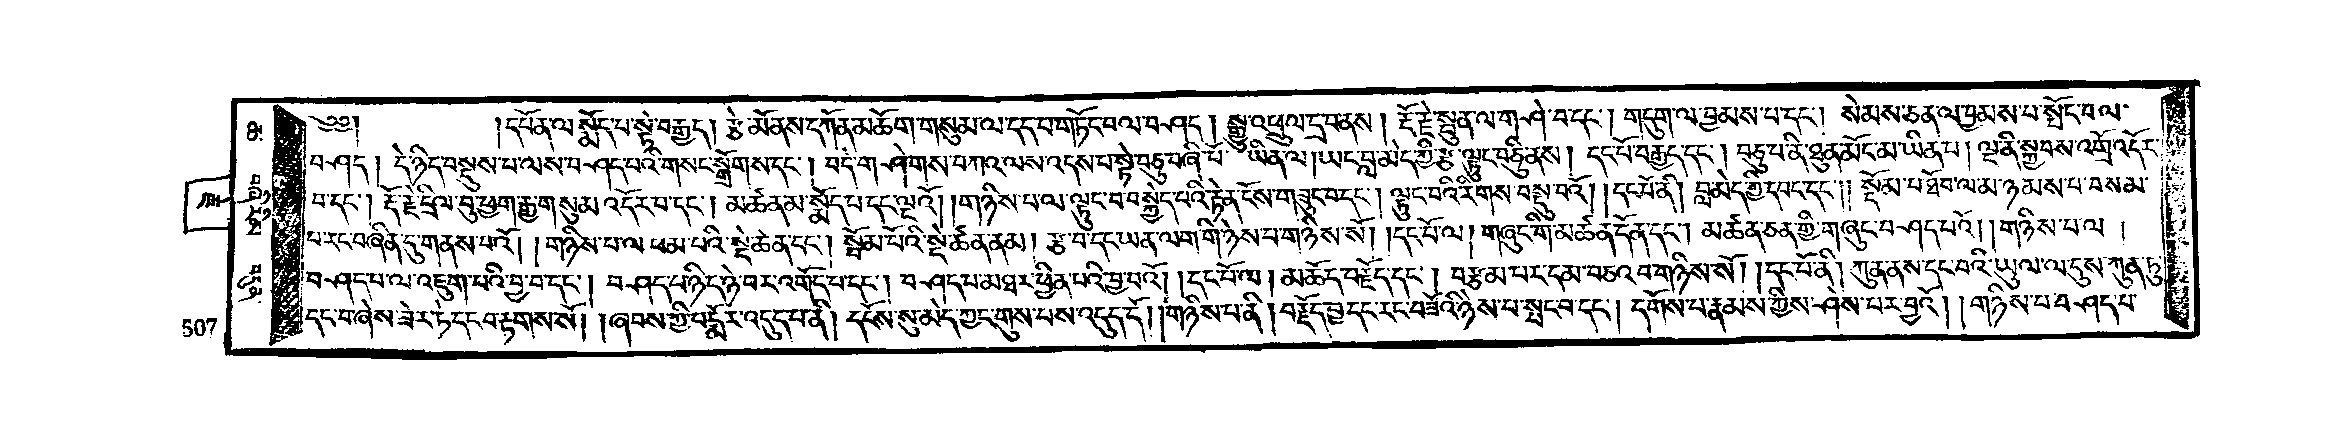༄༅། །དཔོན་ལ་སྨོད་པ་སྟེ་བརྒྱད། རྩེ་མོ་ནས་དཀོན་མཆོག་གསུམ་ལ་དད་པ་གཏོང་བ་ལ་བཤད། སྒྱུ་འཕྲུལ་དྲ་བ་ནས། རྡོ་རྗེ་སྤུན་ལ་གཤེ་བ་དང་། གདུག་ལ་བྱམས་པ་དང་། སེམས་ཅན་ལ་བྱམས་པ་སྤོང་བ་ལ་
བཤད། དེ་ཉིད་བསྡུས་པ་ལས་བཤད་པའི་གསང་སྒྲོགས་དང་། བདེ་གཤེགས་བཀའ་ལས་འདས་པ་སྟེ་བཅུ་བཞི་པོ་ཡིན་ལ། ཡང་བླ་མེད་ཀྱི་རྩ་ལྟུང་བཅུ་བཞི་ནས། དང་པོ་བརྒྱད་དང་། བཅུ་པ་ནི་ཐུན་མོང་མ་ཡིན་པ། ལྔ་ནི་སྐྱབས་འགྲོ་འདོར་
བ་དང་། རྡོ་རྗེ་དྲིལ་བུ་ཕྱག་རྒྱ་གསུམ་འདོར་བ་དང་། མཚན་མ་སྨོད་པ་དང་ལྔའོ། །གཉིས་པ་ལ་ལྟུང་བ་བསྐྱེད་པའི་རྟེན་ངོས་གཟུང་བ་དང་། ལྟུང་བའི་རིགས་བསྡུ་བའོ། །དང་པོ་ནི། བླ་མེད་ཀྱི་དབང་དང་། །སྡོམ་པ་ཐོབ་ལ་མ་ཉམས་པ་བསམ་
པ་རང་བཞིན་དུ་གནས་པའོ། །གཉིས་པ་ལ་ཕམ་པའི་སྡེ་ཚན་དང་། སྦོམ་པོའི་སྡེ་ཚན་ནམ། རྩ་བ་དང་ཡན་ལག་གི་ཉེས་པ་གཉིས་སོ། །དང་པོ་ལ། གཞུང་གི་མཚན་དོན་དང་། མཚན་ཅན་གྱི་གཞུང་བཤད་པའོ། །གཉིས་པ་ལ།
བཤད་པ་ལ་འཇུག་པའི་བྱ་བ་དང་། བཤད་པ་ཉིད་ཉེ་བར་འགོད་པ་དང་། བཤད་པ་མཐར་ཕྱིན་པའི་བྱ་བའོ། །དང་པོ་ལ། མཆོད་བརྗོད་དང་། བརྩམ་པར་དམ་བཅའ་བ་གཉིས་སོ། །དང་པོ་ནི། ཀུན་ནས་དང་བའི་ཡུལ་ལ་དུས་ཀུན་ཏུ་
དང་བ་ཞེས་ཟེར་ཏེ་དང་བ་རྟགས་སོ། །ཞབས་ཀྱི་པདམོར་འདུད་པ་ནི། དངོས་སུ་མེད་ཀྱང་གུས་པས་འདུད་དོ། །གཉིས་པ་ནི། བརྗོད་བྱ་དང་རང་བཟོའི་ཉེས་པ་སྤང་བ་དང་། དགོས་པ་རྣམས་ཀྱིས་ཤེས་པར་བྱའོ། །གཉིས་པ་བཤད་པ་